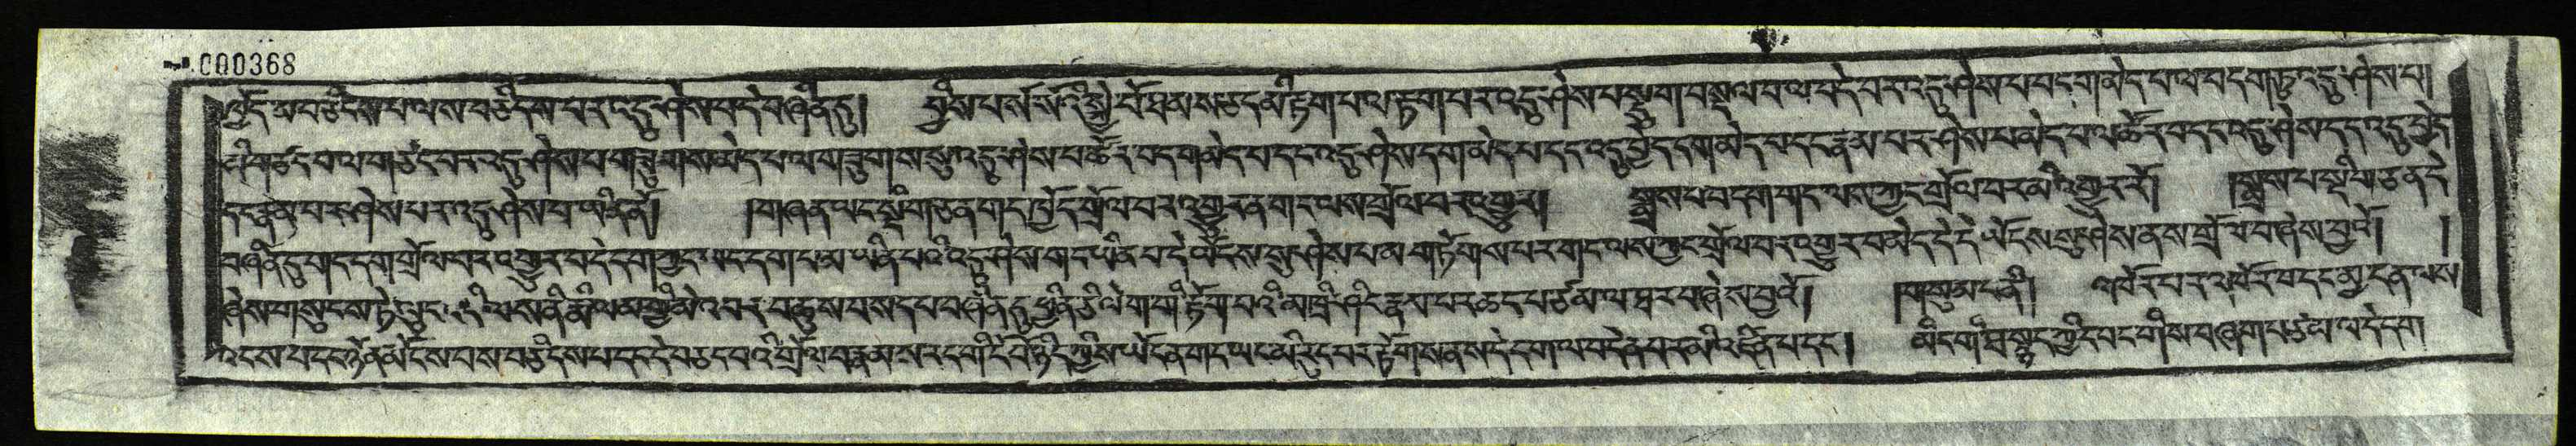ཁྱོད་མ་བཅིངས་པ་ལས་བཅིངས་པར་འདུ་ཤེས་པ་དེ་བཞིན་དུ། བྱིས་པ་སོ་སོའི་སྐྱེ་བོ་ཐམས་ཅད་མི་རྟག་པ་ལ་རྟག་པར་འདུ་ཤེས་པ་སྡུག་བསྔལ་བ་ལ་བདེ་བར་འདུ་ཤེས་པ་བདག་མེད་པ་ལ་བདག་ཏུ་འདུ་ཤེས་པ།
མི་གཙང་བ་ལ་གཙང་བར་འདུ་ཤེས་པ་གཟུགས་མེད་པ་ལ་གཟུགས་སུ་འདུ་ཤེས་པ་ཚོར་བ་དག་མེད་པ་དང་འདུ་ཤེས་དག་མེད་པ་དང་འདུ་བྱེད་དག་མེད་པ་དང་རྣམ་པར་ཤེས་པ་མེད་པ་ལ་ཚོར་བ་དང་འདུ་ཤེས་དང་འདུ་བྱེད་
དང་རྣམ་པར་ཤེས་པར་འདུ་ཤེས་པ་ཡིན་ནོ། །གཞན་ཡང་སྡིག་ཅན་གང་ཁྱོད་གྲོལ་བར་འགྱུར་ན་གང་ལས་གྲོལ་བར་འགྱུར། སྨྲས་པ་བདག་གང་ལས་ཀྱང་གྲོལ་བར་མི་འགྱུར་རོ། །སྨྲས་པ་སྡིག་ཅན་དེ་
བཞིན་དུ་གང་དག་གྲོལ་བར་འགྱུར་བ་དེ་དག་ཀྱང་ཡང་དག་པ་མ་ཡིན་པའི་འདུ་ཤེས་གང་ཡིན་པ་དེ་ཡོངས་སུ་ཤེས་པ་མ་གཏོགས་པར་གང་ལས་ཀྱང་གྲོལ་བར་འགྱུར་བ་མེད་དེ་དེ་ཡོངས་སུ་ཤེས་ནས་གྲོལ་བ་ཞེས་བྱའོ། །
ཞེས་གསུངས་ཏེ་ལུང་འདི་ལས་ནི་རྨི་ལམ་གྱི་མེ་འབར་བ་ཆུས་བསད་པ་བཞིན་དུ་ཕྱིན་ཅི་ལོག་གི་རྟོག་པའི་མཁྲི་ཤིང་རྣམ་པར་ཆད་པ་ཙམ་ལ་ཐར་པ་ཞེས་བྱའོ། །གསུམ་པ་ནི། འཁོར་བར་འཁོར་བ་དང་མྱ་ངན་ལས་
འདས་པ་དང་ཉོན་མོངས་པས་བཅིངས་པ་དང་དེ་བཅང་པའི་གྲོལ་བ་རྣམས་རང་གི་ངོ་བོ་ཉིད་ཀྱིས་ཡོད་ན་གང་ཡང་མི་རུང་བར་རྟོགས་ནས་དེ་དག་ལ་བདེན་པར་མི་འཛིན་པ་དང་། མིང་གི་ཐ་སྙད་ཀྱི་དབང་གིས་བཞག་པ་ཙམ་ལ་དེ་དག་